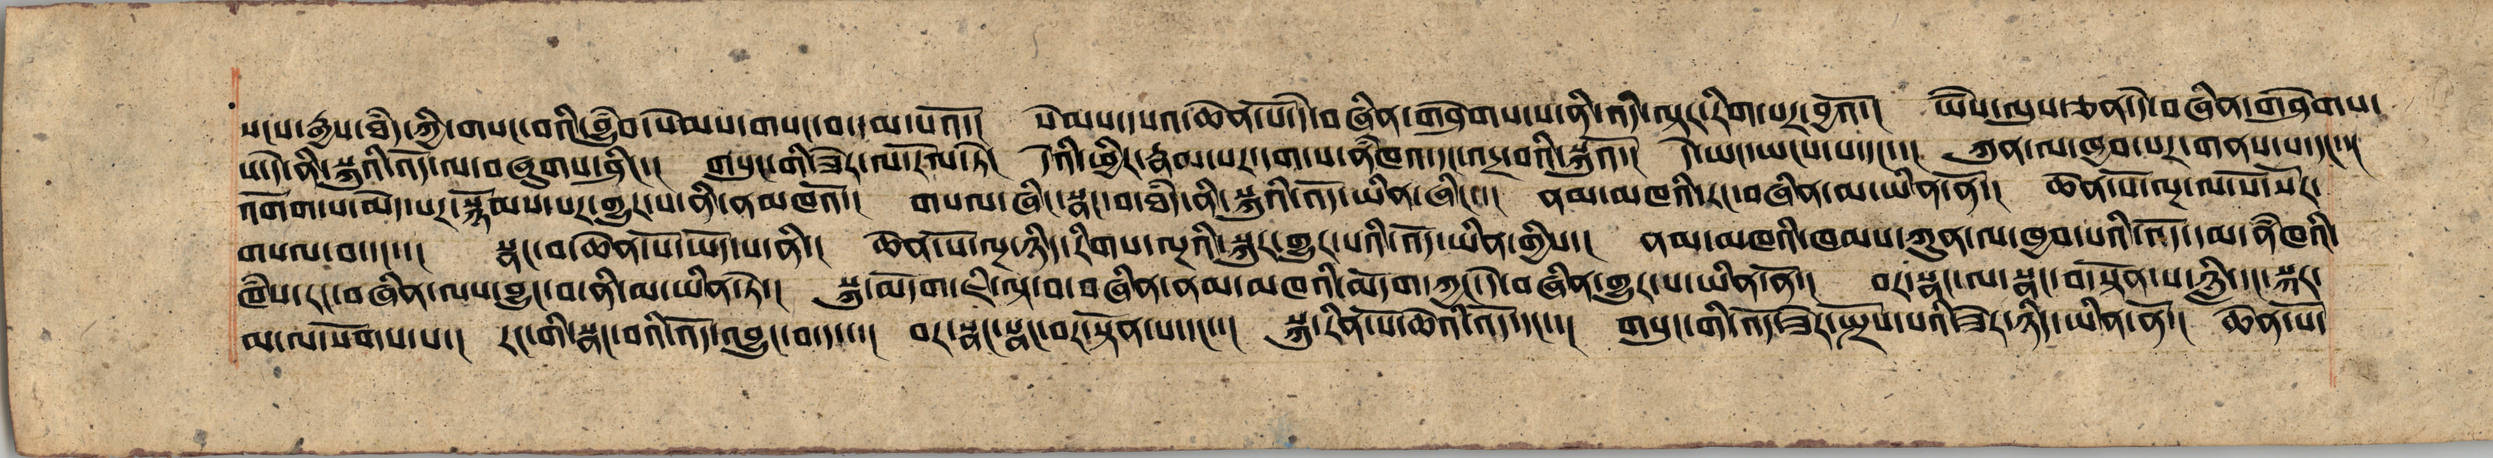སངས་རྒྱས་ཐཾད་ཀྱི་གསང་བའི་བྱུཾབ་སེམས་གསང་བ་དམ་པའོ་། སེམས་དཔའ་ཆེན་པོ་དེ་བཞིན་གཤེགས་པ་ནི་འདི་ལྟར་རིག་པར་བྱའོ་། ཡཻས་ལུས་ཅན་དེ་བཞིན་གཤེགས་
པ་དེ་ནི་སྐུའི་འོད་ལ་བཞུགས་ཤིང་། གསུང་གི་ཟེར་ལ་རོལ་ཏེ་། དེའི་ཕྱིར་རྣམ་པར་དག་པ་ནཾཁའ་དང་འདྲ་བའི་སྐུའོ་། དེ་ཡང་ཡངས་པ་དང་་། ཀུན་ལ་ཁྱབ་པར་གནས་པ་དང་་།
འགོག་པ་མེད་པར་སྙོམས་པར་གྱུར་པ་ནི་ནམཁའོ་། གསལ་ཞིང་སྣང་བ་ཐཾད་ནི་སྐུའི་འོད་ཡིན་ཞིང་་། ནམ་མཁའི་རང་བཞིན་མ་ཡིན་ནོ་། ཆེན་པོ་ལྔ་ལ་སོ་སོར་
གསལ་བ་དང་་། སྣང་བ་ཆེན་པོ་ཡོད་པ་ནི་། ཆེན་པོ་ལྔ་ཉིད་རིགས་ལྔའི་སྐུར་གྱུར་པའི་འདོ་ཡིན་གྱིས་། ནམ་མཁའི་ཁམས་ཀུན་ཁྱབ་པའི་འོད་དམ་ནཾཁའི
ཁཾས་རང་བཞིན་ལས་བྱུང་བ་ནི་མ་ཡིན་ཏེ་། སྐུ་མདོག་ཇི་ལྟ་བ་བཞིན་ནམ་མཁའི་མདོག་ཀྱང་དེ་བཞིན་གྱུར་པ་ཡིན་ནོ་། བར་སྣང་ལ་སྣང་བ་སྟོན་པ་ཉླི་དང་སྐར་
མ་ལ་སོགས་པ་། རང་གི་སྣང་བའི་འོད་འབྱུང་བ་དང་་། བར་སྣང་སྣང་བར་སྟོན་པ་དང་་། སྐུ་རིན་པོ་ཆེའི་འོད་དང་་། གསུང་གི་འོད་ཟེར་སྤྲོས་པའི་ཟཻར་ཉིད་ཡིན་ནོ་། ཆཻན་པོ་